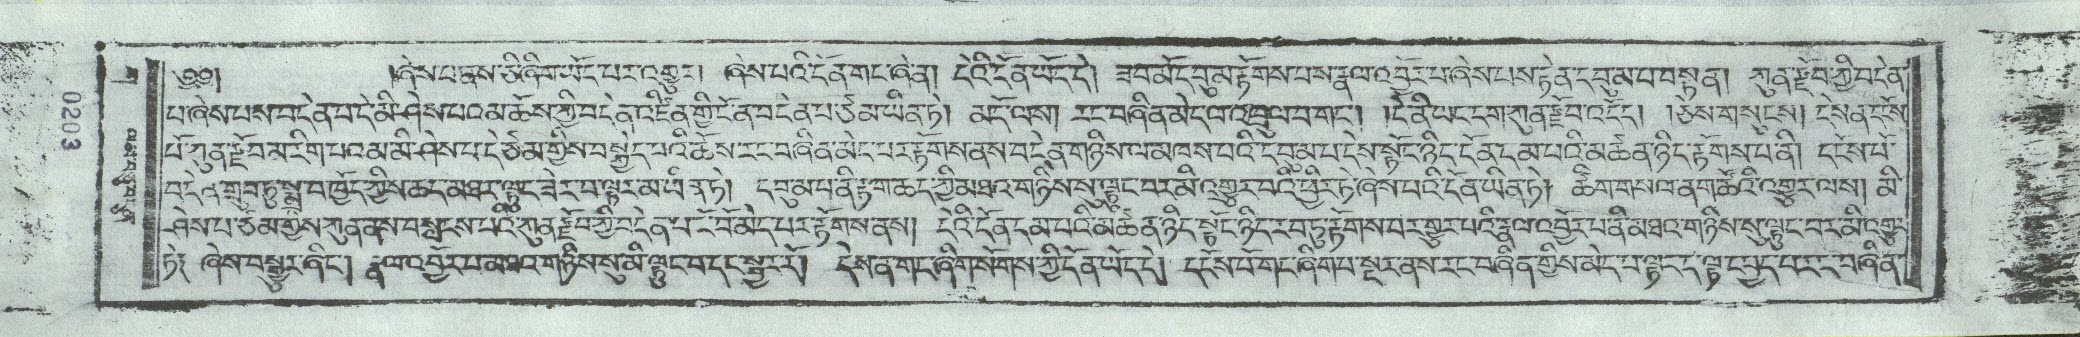༄༅། །ཞེས་པ་ནས་ཅི་ཞིག་ཡོད་པར་འགྱུར། ཞེས་པའི་དོན་གང་ཞེ་ན། དེའི་དོན་ཡོད་དེ། ཟབ་མོ་དབུ་མ་རྟོགས་པས་རྣལ་འབྱོར་པ་ཞེས་པས་རྟེན་དབུ་མ་པ་བསྟན། ཀུན་རྫོབ་ཀྱི་བདེན་
པ་ཞེས་པས་བདེན་པ་དེ་མི་ཤེས་པའམ་ཆོས་ཀྱི་བདེན་འཛིན་གྱི་དོན་བདེན་པ་ཙམ་ཡིན་ཏེ། མདོ་ལས། རང་བཞིན་མེད་པ་འཁྲུལ་པ་གང་། །དེ་ནི་ཡང་དག་ཀུན་རྫོབ་འདོད། །ཅེས་གསུངས། དེས་ན་དངོས་
པོ་ཀུན་རྫོབ་མ་རིག་པའམ་མི་ཤེས་པ་དེ་ཙམ་གྱིས་བསྐྱེད་པའི་ཆོས་རང་བཞིན་མེད་པར་རྟོགས་ནས་བདེན་གཉིས་ལ་མཁས་པའི་དབུ་མ་པ་དེས་སྟོང་ཉིད་དོན་དམ་པའི་མཚན་ཉིད་རྟོགས་པ་ནི། དངོས་པོ་
བདེན་གྲུབ་ཏུ་སྨྲ་བ་ཁྱོད་ཀྱིས་ཆད་མཐར་ལྟུང་ཟེར་བ་ལྟར་མ་ཡིན་ཏེ། དབུ་མ་པ་ནི་རྟག་ཆད་ཀྱི་མཐའ་གཉིས་སུ་ལྟུང་བར་མི་འགྱུར་པའི་ཕྱིར་ཏེ་ཞེས་པའི་དོན་ཡིན་ཏེ། ཚིག་གསལ་ནག་ཚོའི་འགྱུར་ལས། མི་
ཤེས་པ་ཙམ་གྱིས་ཀུན་ནས་བསླངས་པའི་ཀུན་རྫོབ་ཀྱི་བདེན་པ་ངོ་བོ་མེད་པར་རྟོགས་ནས། དེའི་དོན་དམ་པའི་མཚན་ཉིད་སྟོང་ཉིད་རབ་ཏུ་རྟོགས་པར་གྱུར་པའི་རྣལ་འབྱོར་པ་ནི་མཐའ་གཉིས་སུ་ལྟུང་བར་མི་འགྱུར་
ཏེ༑ ཞེས་བསྒྱུར་ཞིང་། རྣལ་འབྱོར་པ་མཐའ་གཉིས་སུ་མི་ལྟུང་བ་དང་སྦྱར་རོ། དེས་ན་གང་ཞིག་སོགས་ཀྱི་དོན་ཡོད་དེ། དངོས་པོ་གང་ཞིག་པ་སྔར་ནས་རང་བཞིན་གྱིས་མེད་པ་ལྟར་ད་ལྟ་དཔྱད་པ་རང་བཞིན་